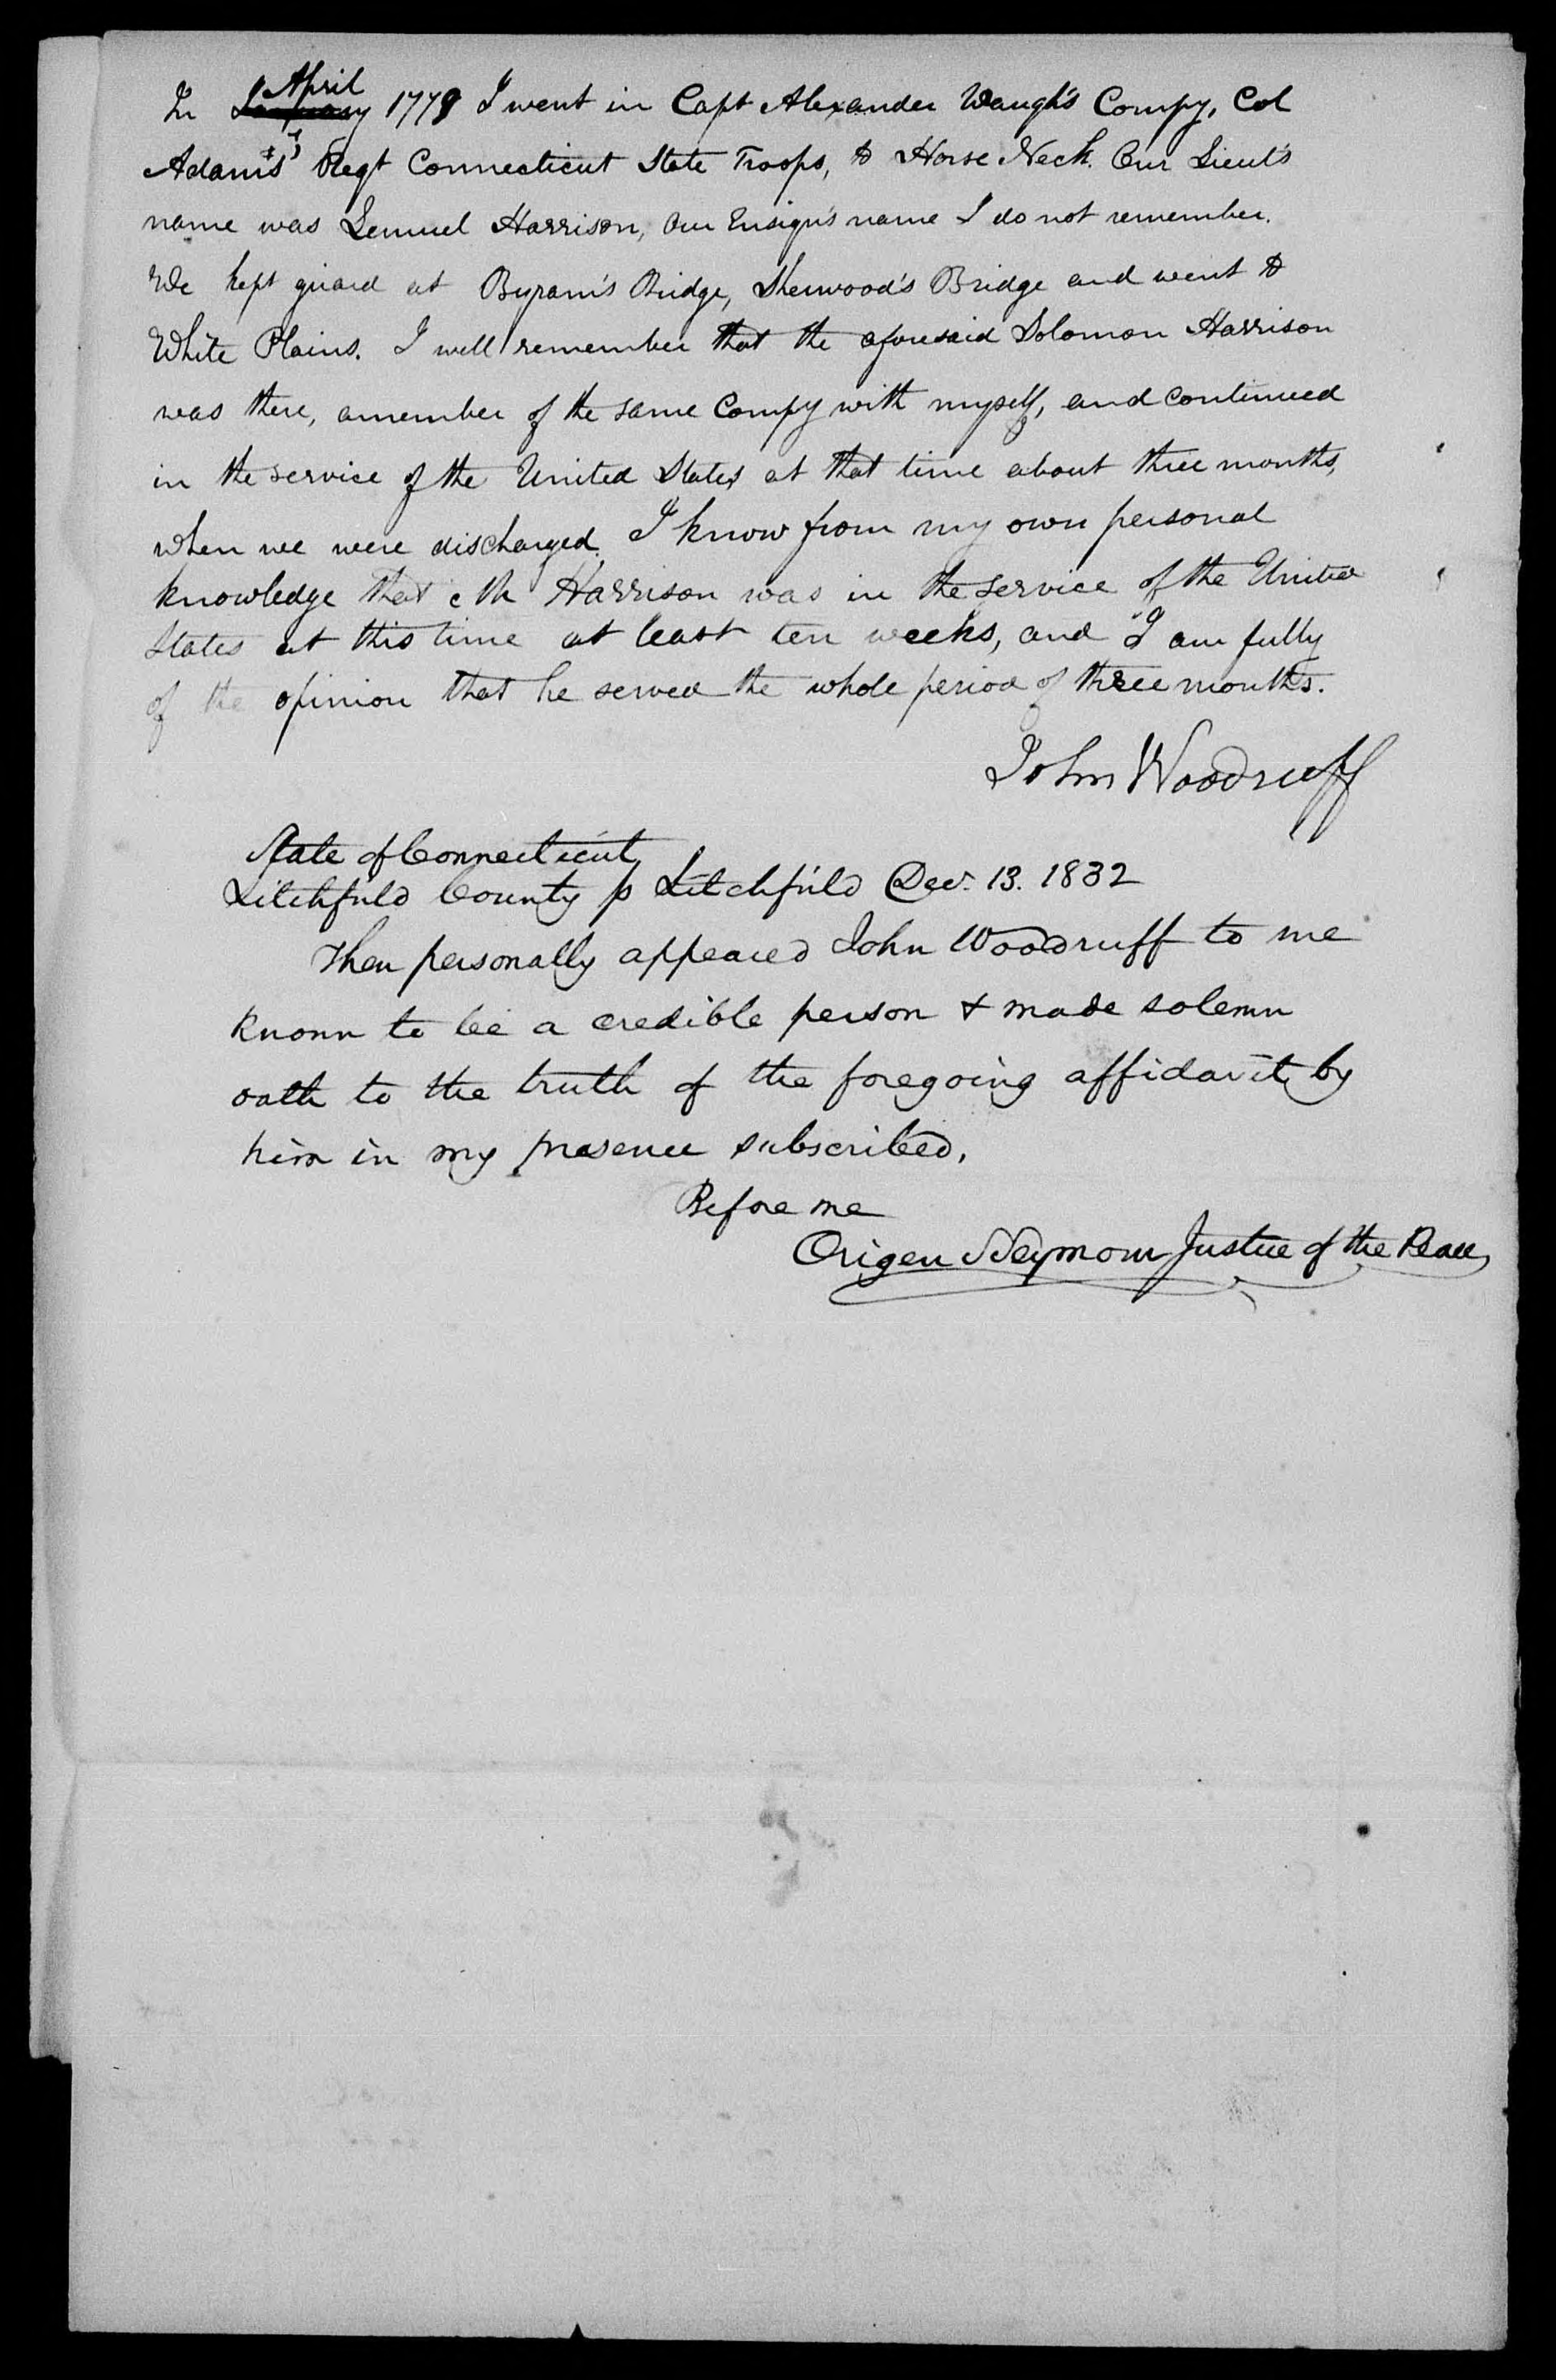In April 1779 I went in Capt. Alexander Waugh's company, Col Adams' Regt Connecticut State Troops, to Horse Neck. Our. Lieut's. name was Samuel Harrison, our Ensign's name I do not remember. We kept guard at Bryan's Bridge, Sherwood's Bridge and went to White Plains. I well remember that the aforesaid Solomon Harrison was there, a member of the same company with myself, and continued in the service of the United States at that time about three months, when we were discharged. I know from my own personal knowledge that Mr. Harrison was in the service of the United States at this time at least ten weeks, and I am fully of the opinion that he served the whole period of three months. 

John Woodruff

State of Connecticut
Litchfield County of Litchfield Dec. 13. 1832
Then personally appeared John Woodruff to me known to be a credible person and made solemn oath to the truth of the foregoing affidavit by him in my presence prescribed.
Before me
Origen S Seymour Justice of the Peace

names: Lemuel Harrison, John Woodruff, Solomon Harrison, Harrison, John Woodruff, Origen S Seymour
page: 18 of 22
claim: survivor's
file: S. 16137, Solomon Harrison, Conn.